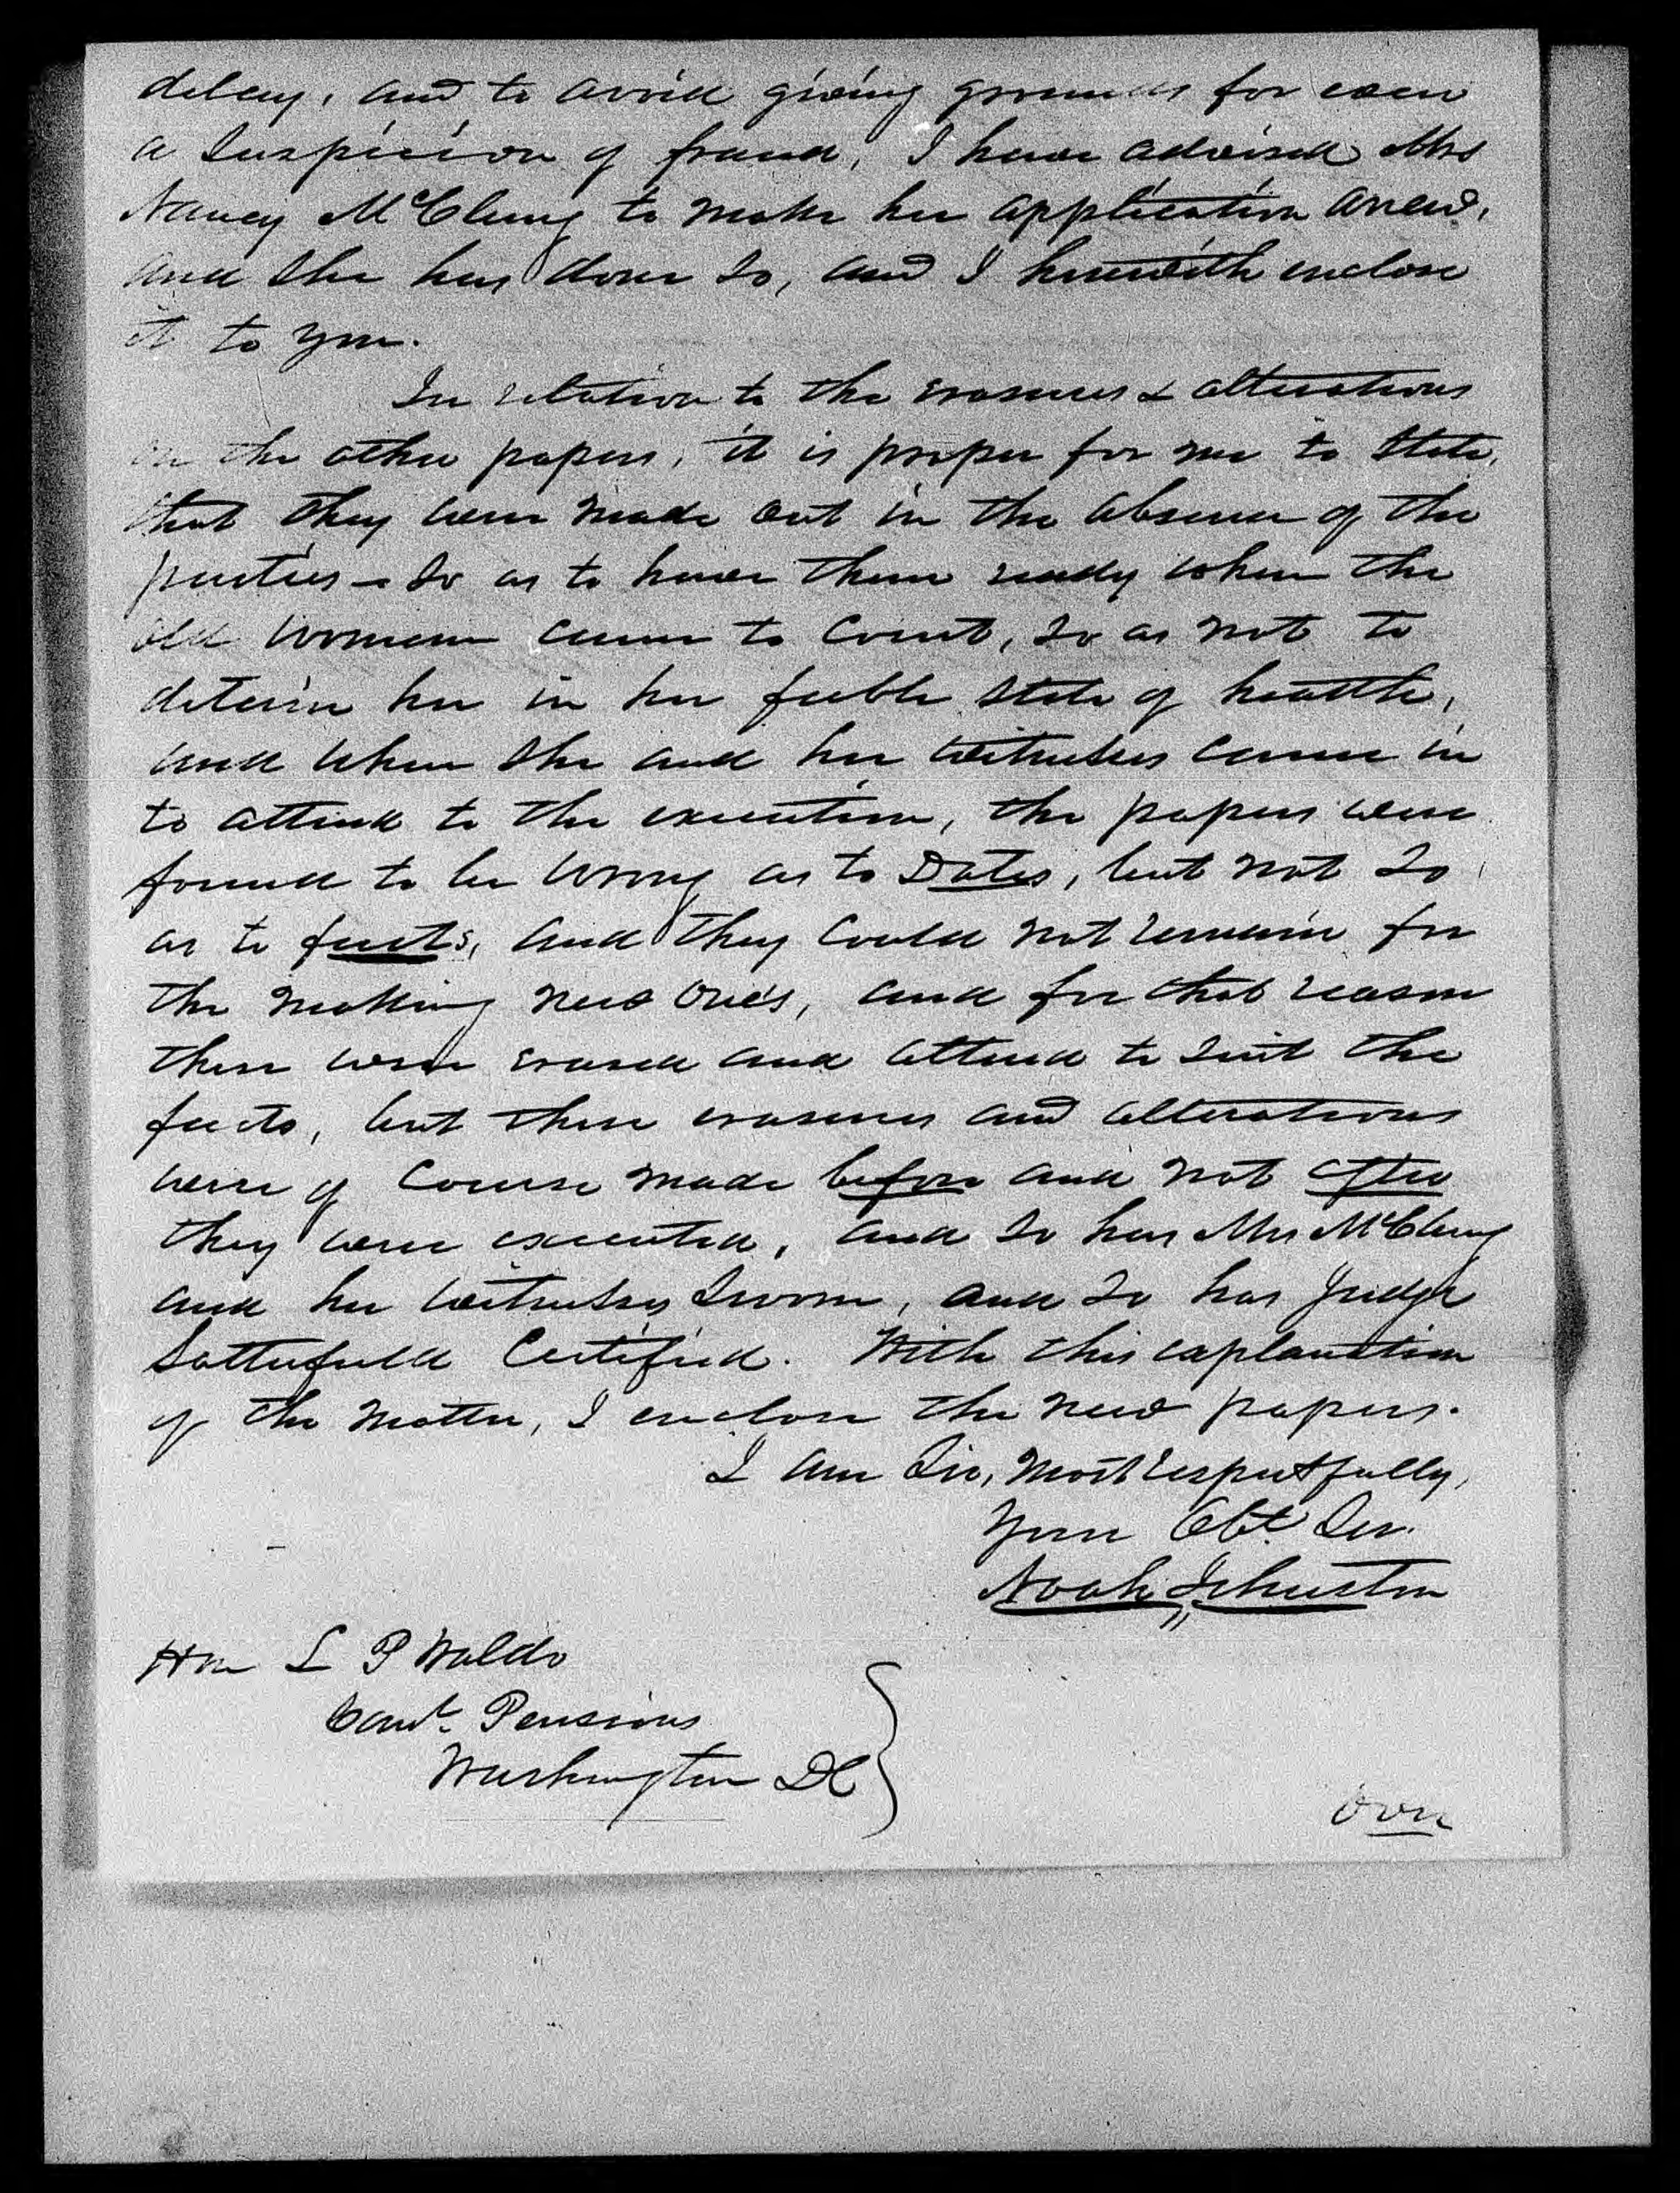delay, and to avoid giving grounds for even a suspicion of fraud, I have advised Mrs. Nancy McClung to make her application and and she has done so, and I herewith enclose it to you

In relation to the Erasures & alterations on the other papers, it is proper for me to state, that they have made out in the absence of the parties, - so as to have them ready when the old woman came to Court, so as not to detain her in her feeble state of health, and when she and her witnesses came in
to at end to the execution, the papers were found to be wrong as to dates, but not so as to facts, and they could not remain for the making new ones, and for that reason then were erased and altered to suit the facts, but these erasures and alterations were of course made before and not after they were executed, and so has Mrs McClung and her witnesses sworn, and so has Judge Satterfield certified. With this explanation of the matter, I enclose the new papers

I am Sir, Most Respectfully,
Your Obt ser
Noah Johnston 

Hon L P Waldo
Comr Pensions
Washington DC

over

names: Noah Johnston; Nancy Mc Clung; L P Waldo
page: 76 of 115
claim: widow's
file: W. 1446, for John Mc Clung, South Carolina